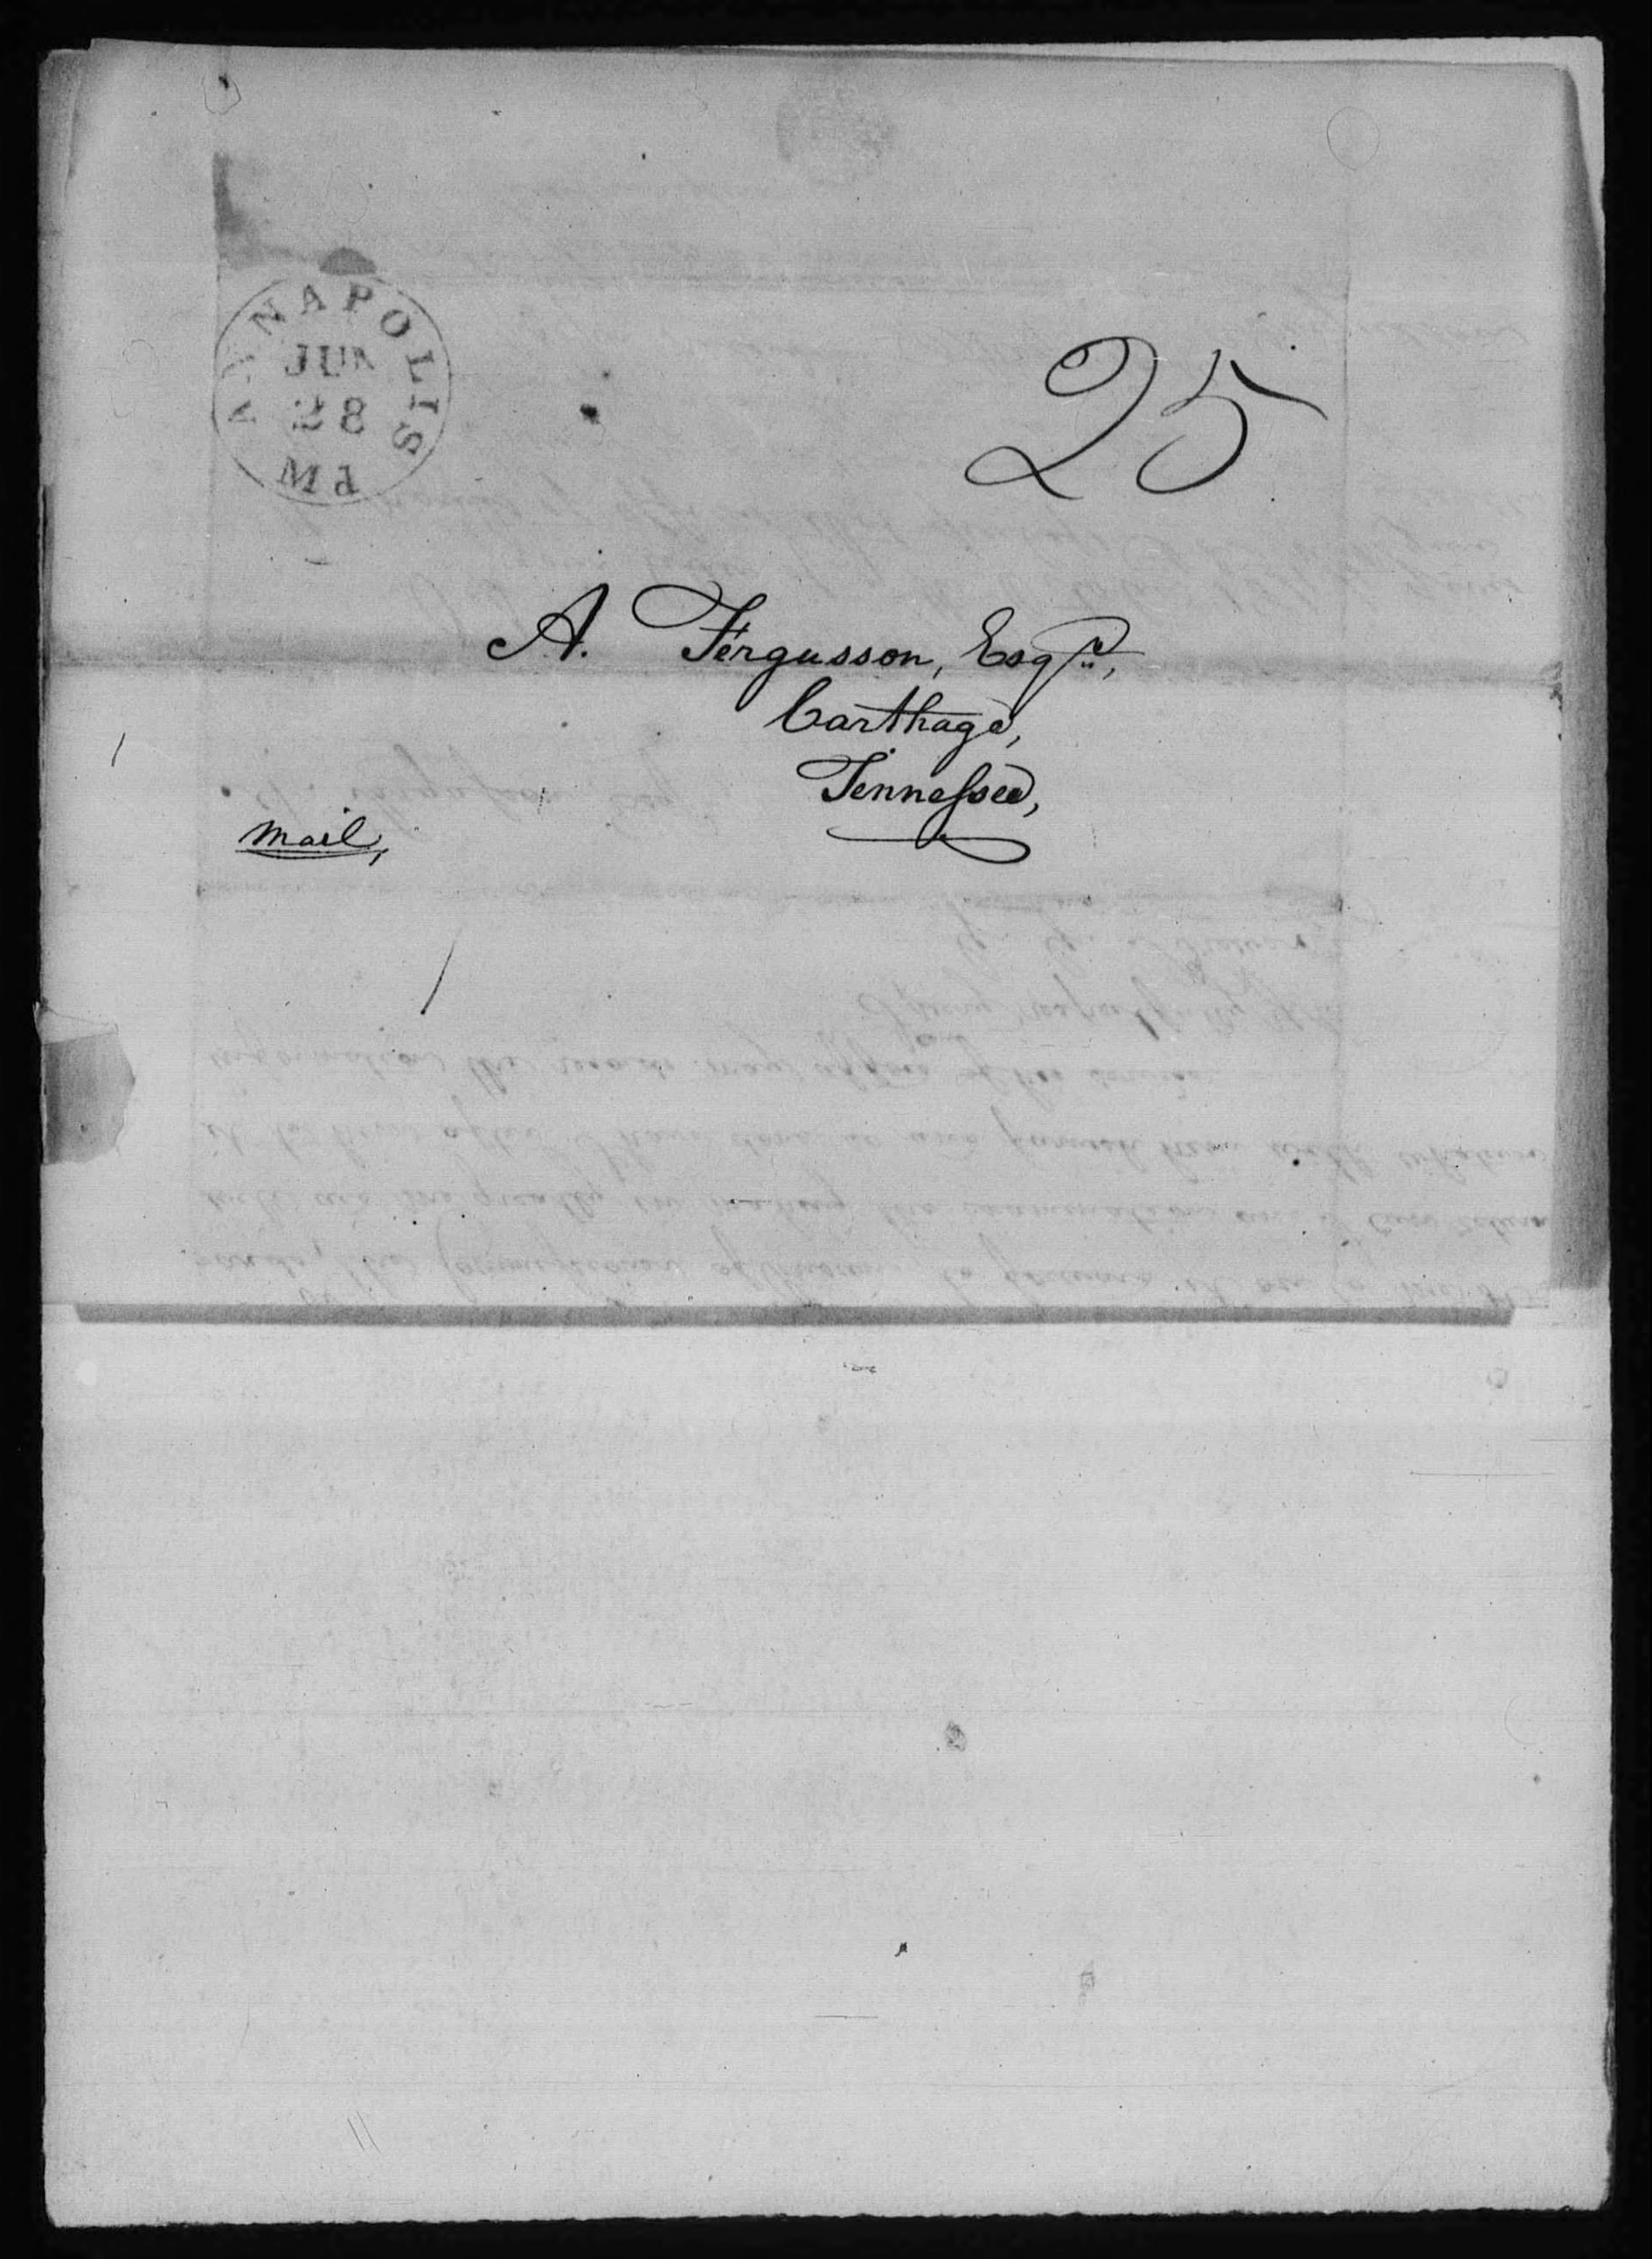[Envelope]

[Circular mail stamp]
ANNAPOLIS
JUN
28
Md

[Address]
25
A Fergusson Esqr.
Carthage, 
Tennessee

mail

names: A Fergusson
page: 51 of 76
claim: widow's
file: W. 83, Albert Hendricks, Continental Md. N.C.